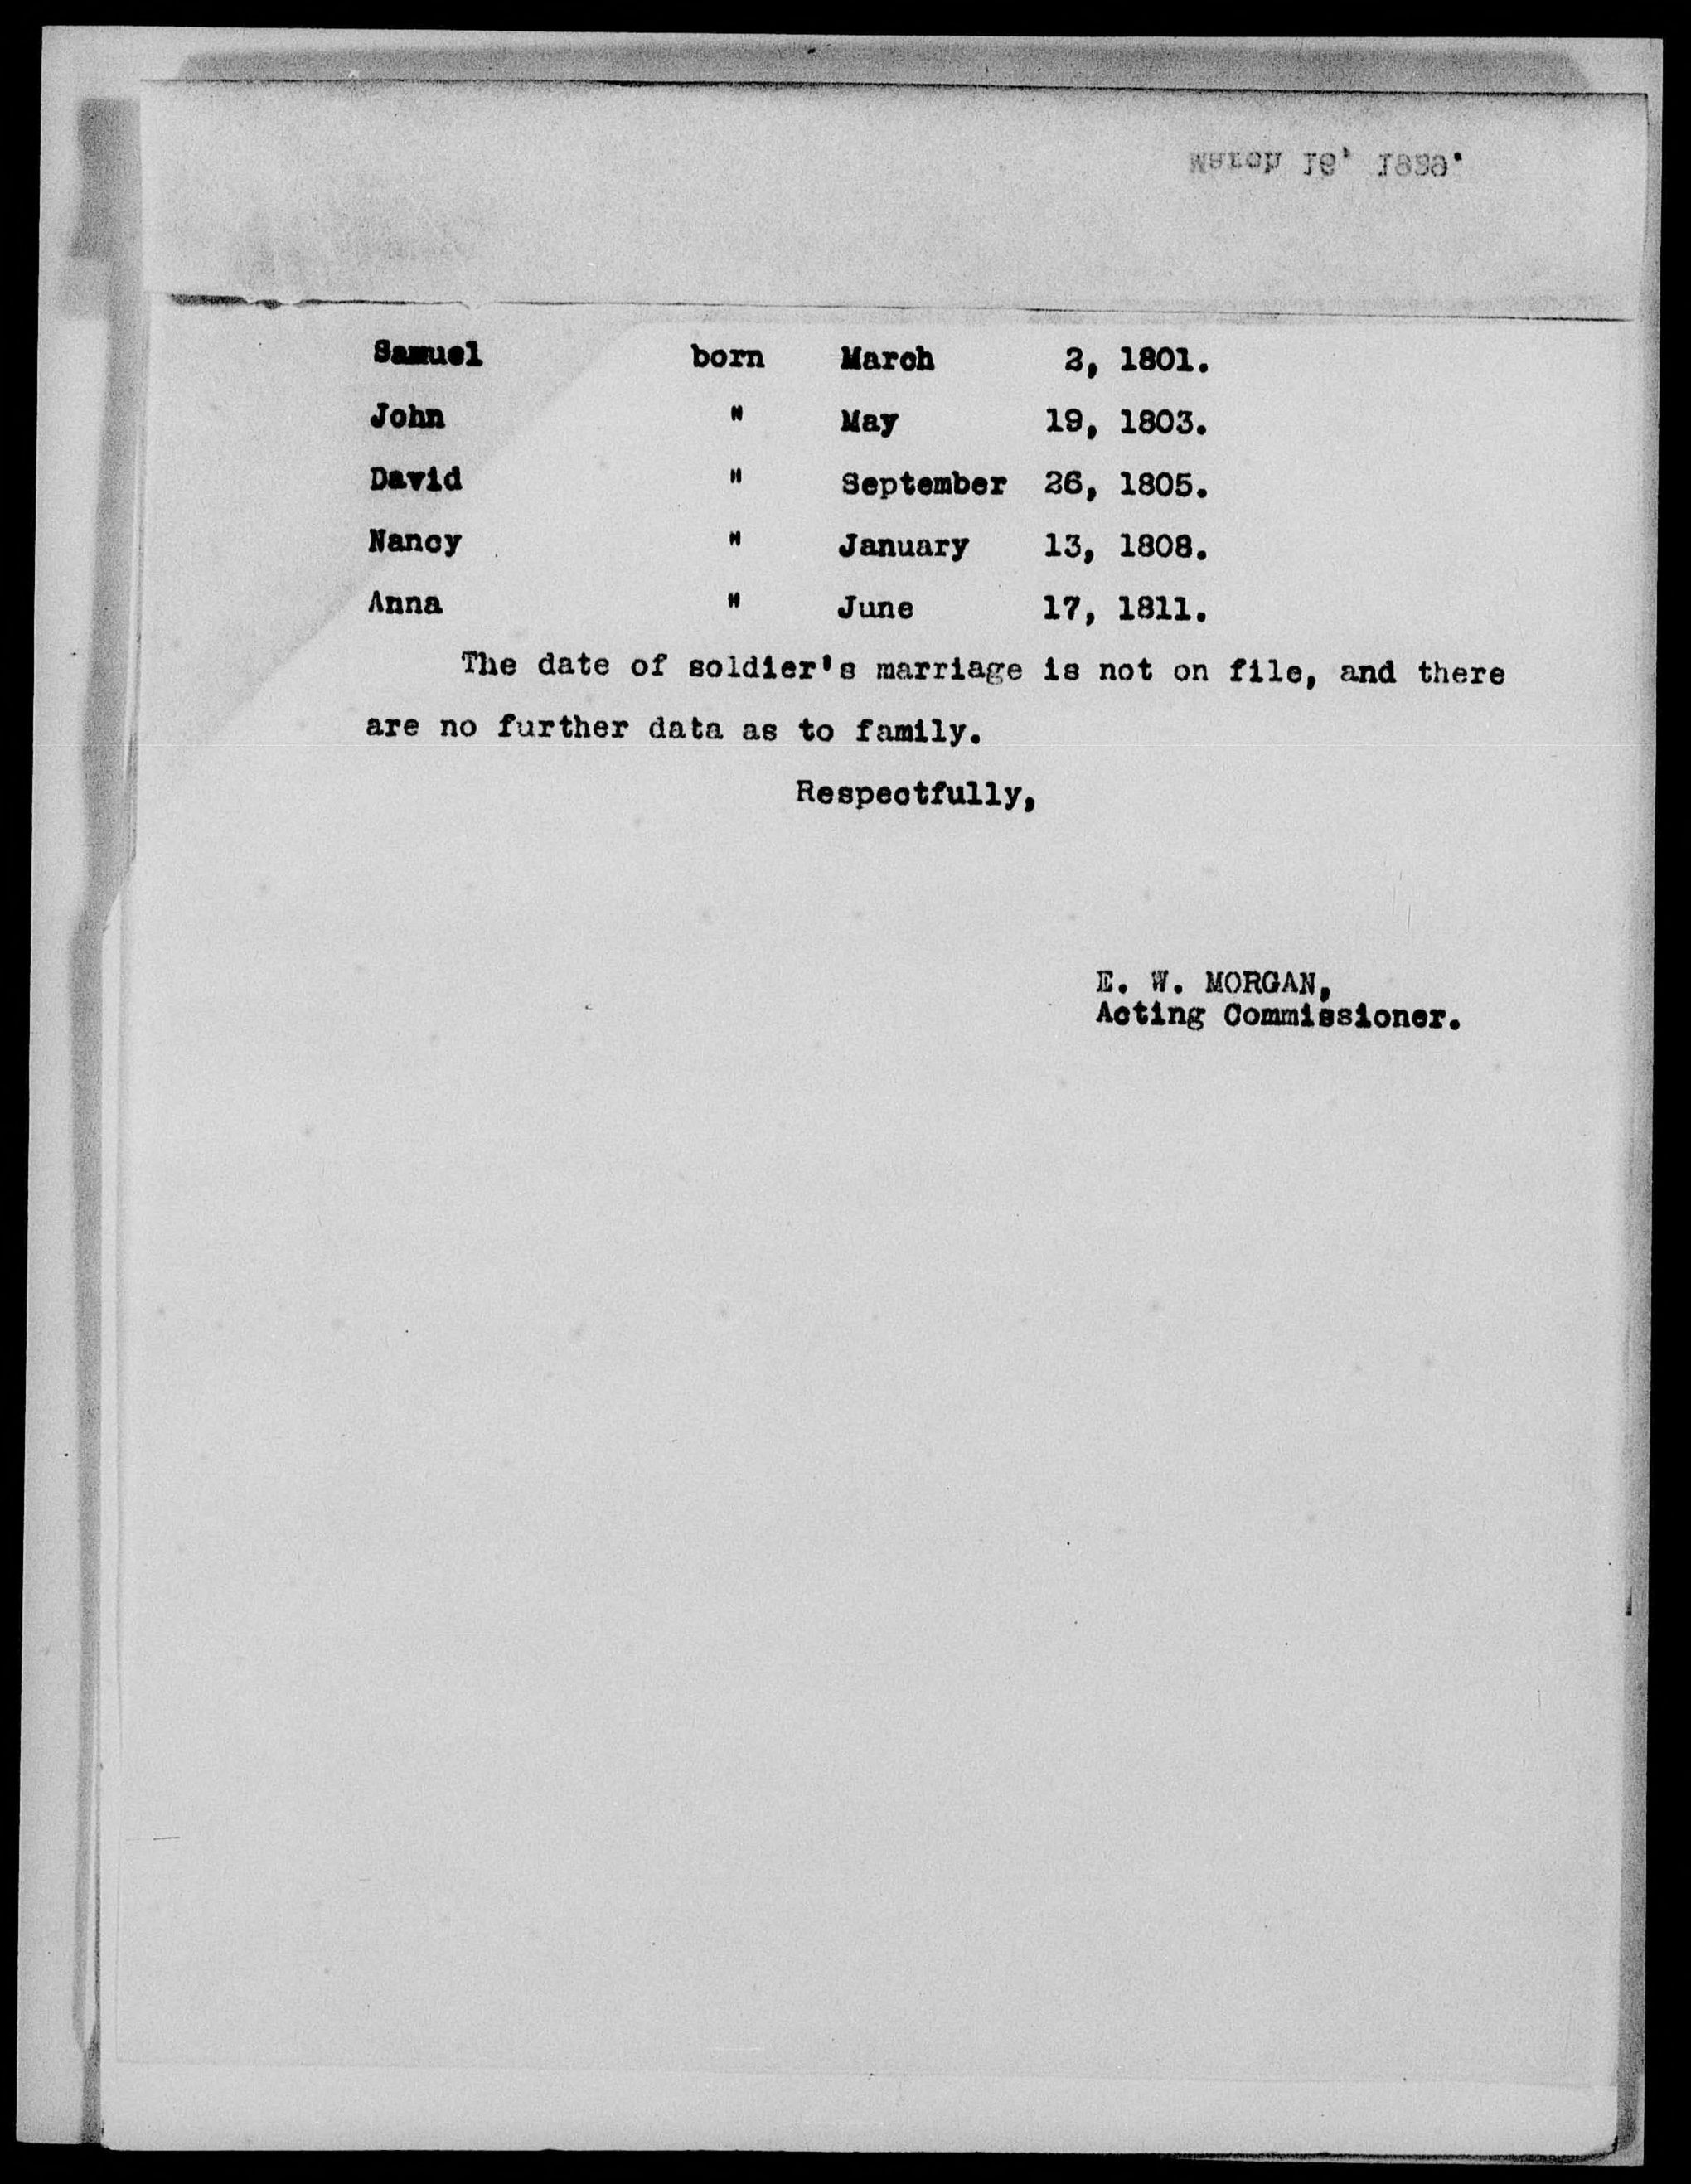Samuel born March 2, 1801
John born May 19, 1803
David born September 26, 1805
Nancy born January 13, 1808
Anna born June 17, 1811

The date of soldier's marriage is not on file, and there are no further data as to family.

Respectfully

E W Morgan
Acting Commissioner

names: E W Morgan; David [BLANK]; John [BLANK]; Nancy [BLANK]; Samuel [BLANK]; Anna [BLANK]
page: 30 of 34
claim: survivor's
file: S. 36,051, for Samuel Luckett, Maryland